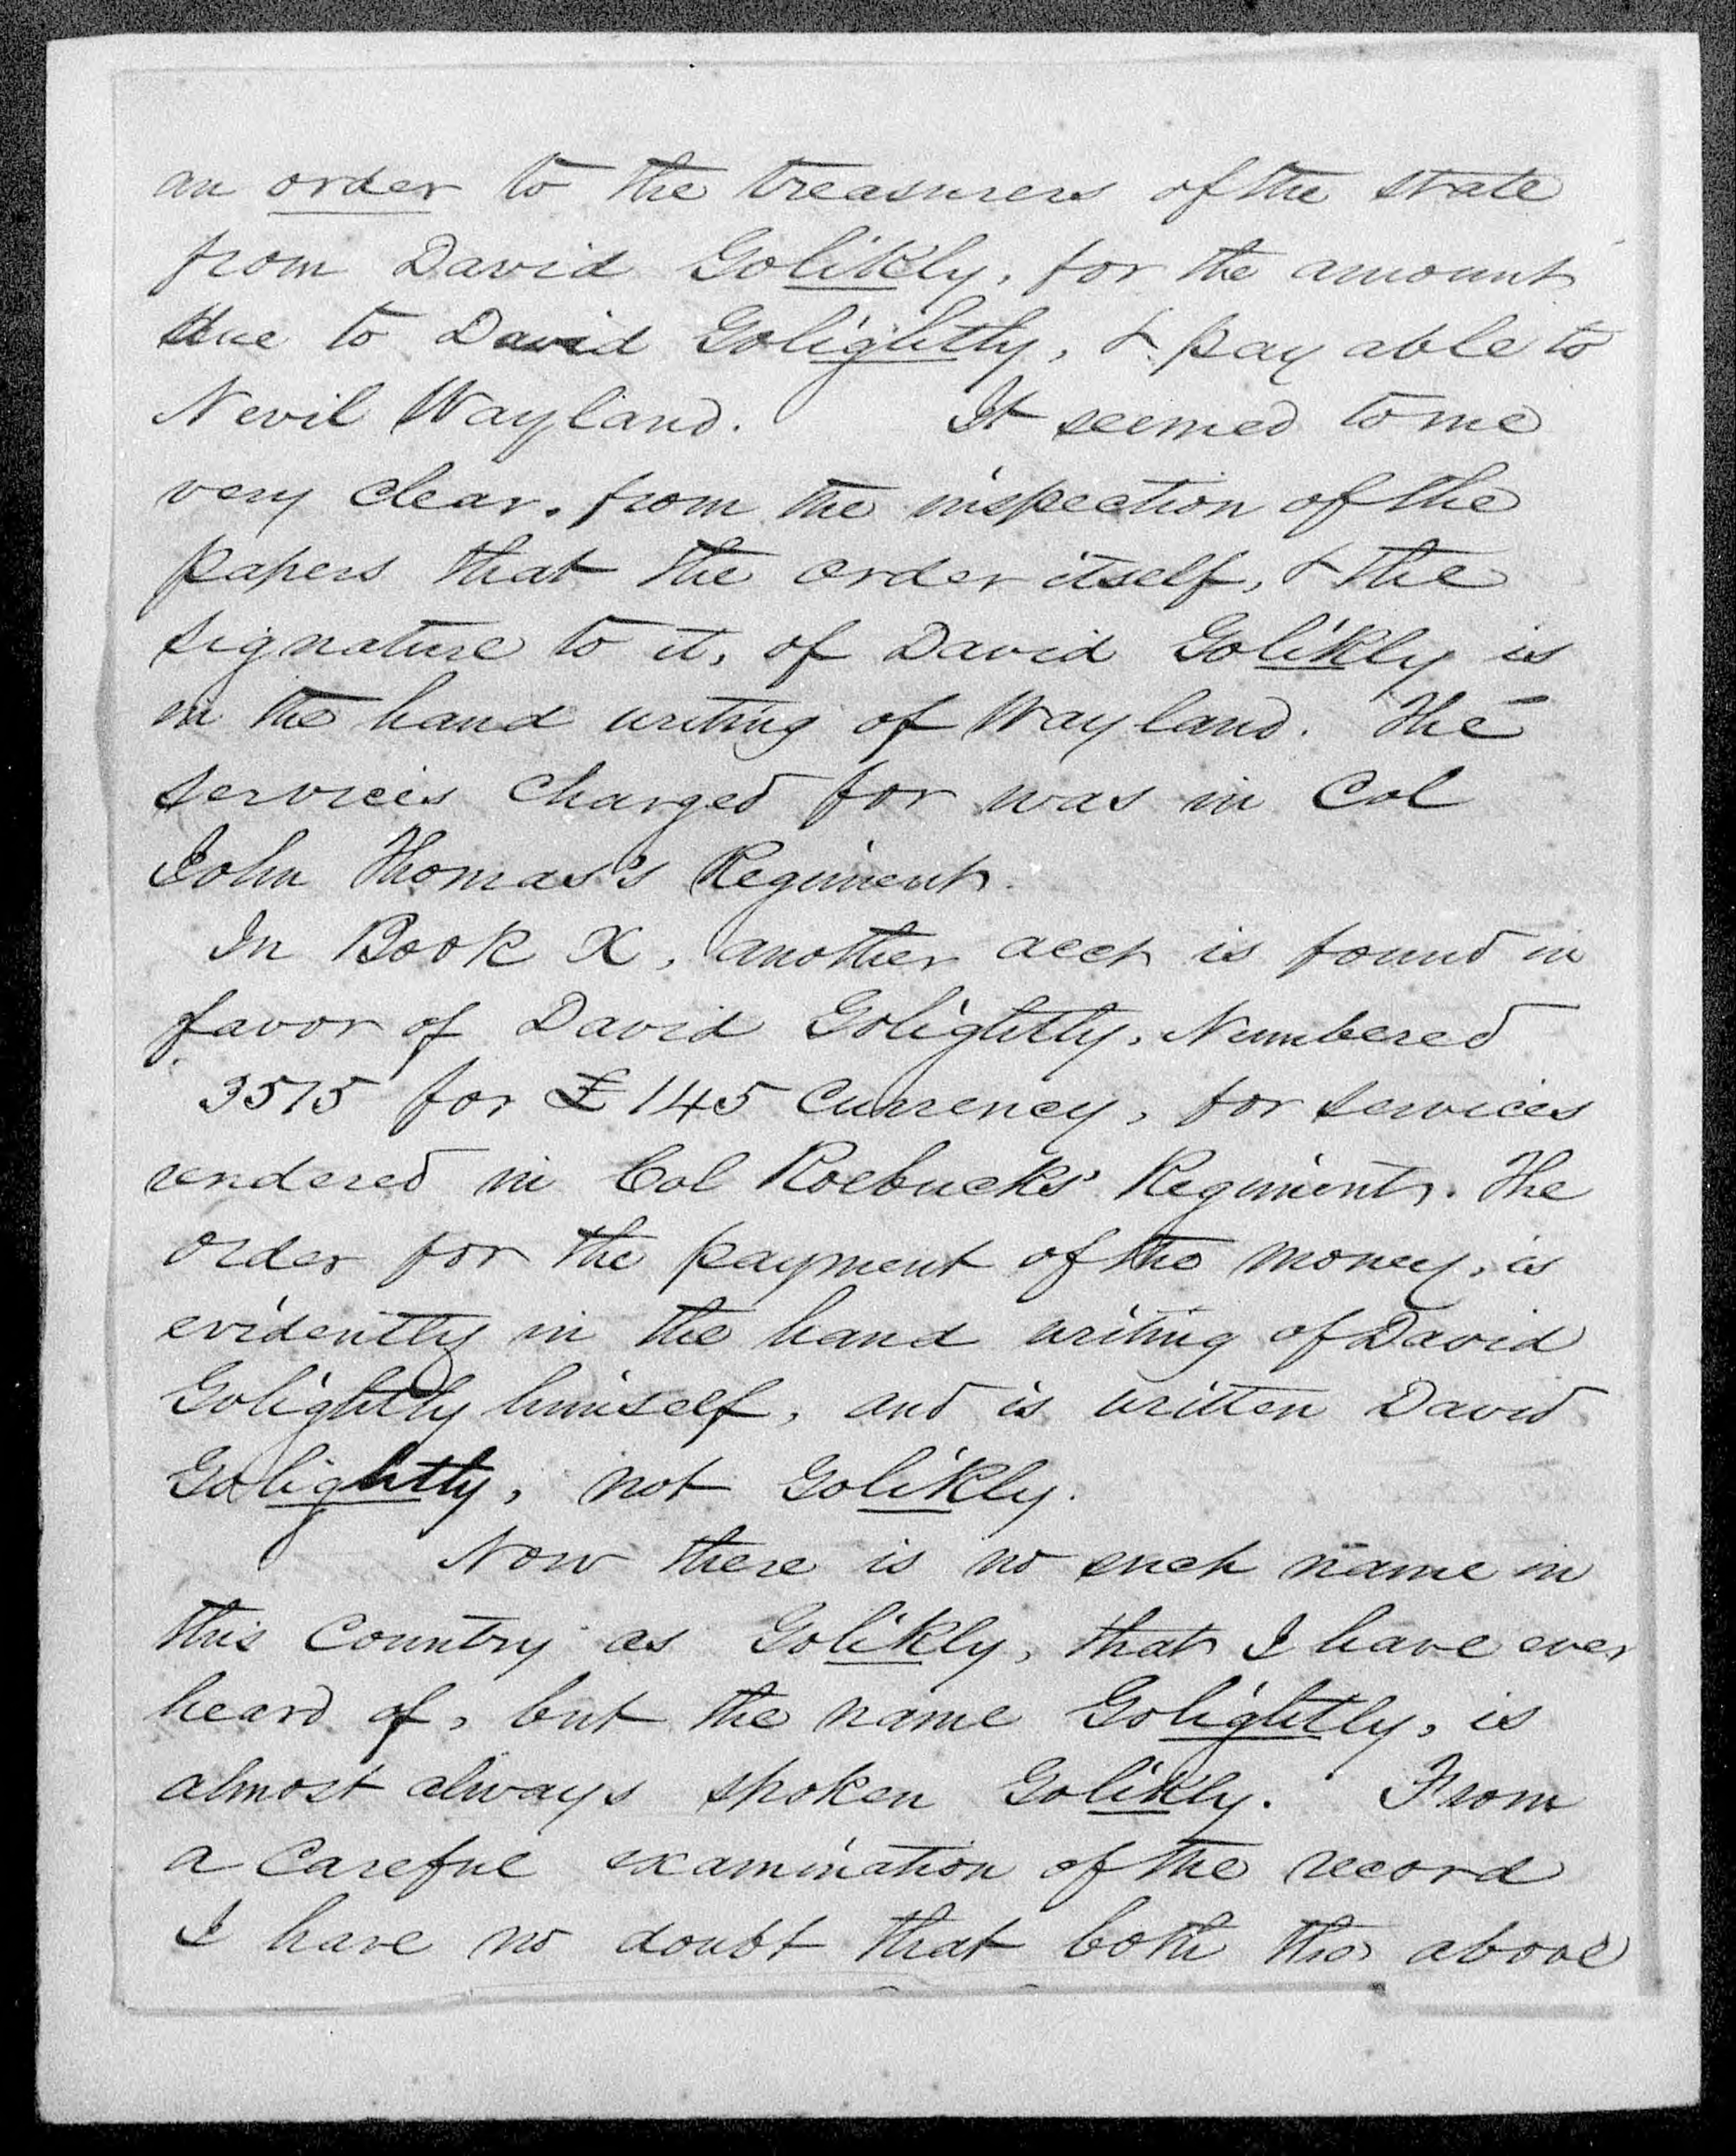an order to the treasurers of the State

from David Golightly, for the amount same to David Golightly, & payable to Nevil Wayland
It seemed to me very clear, from the inspection of the papers that the order itself, the signature of it, of David Golightly in the hand writing of Wayland. The services charged for was in Col John Thomas Regiment in Book A, another acct is found in favor of David Golightly, Numbered 3575 for 145 Currency, for services rendered in Col Roebucks Regiment. The order for the payment of the money, is 1, evidently in the hand writing of David Golightly himself, and is written David Golightly, not Golikly. Now there is no such name in this Country as Golikly, that I have ever heard of, but the name Golightly, is almost always spoken Golikly. From a careful examination of the record, I have no doubt of both the above.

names: Golikly, David Golightly, Golikly, David Golightly, Nevil Wayland, David Golikly, David Golikly, David Golightly, David Golightly, Golikly, Golightly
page: 27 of 57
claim: survivor's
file: S. 18888, David Golightly, S.C.